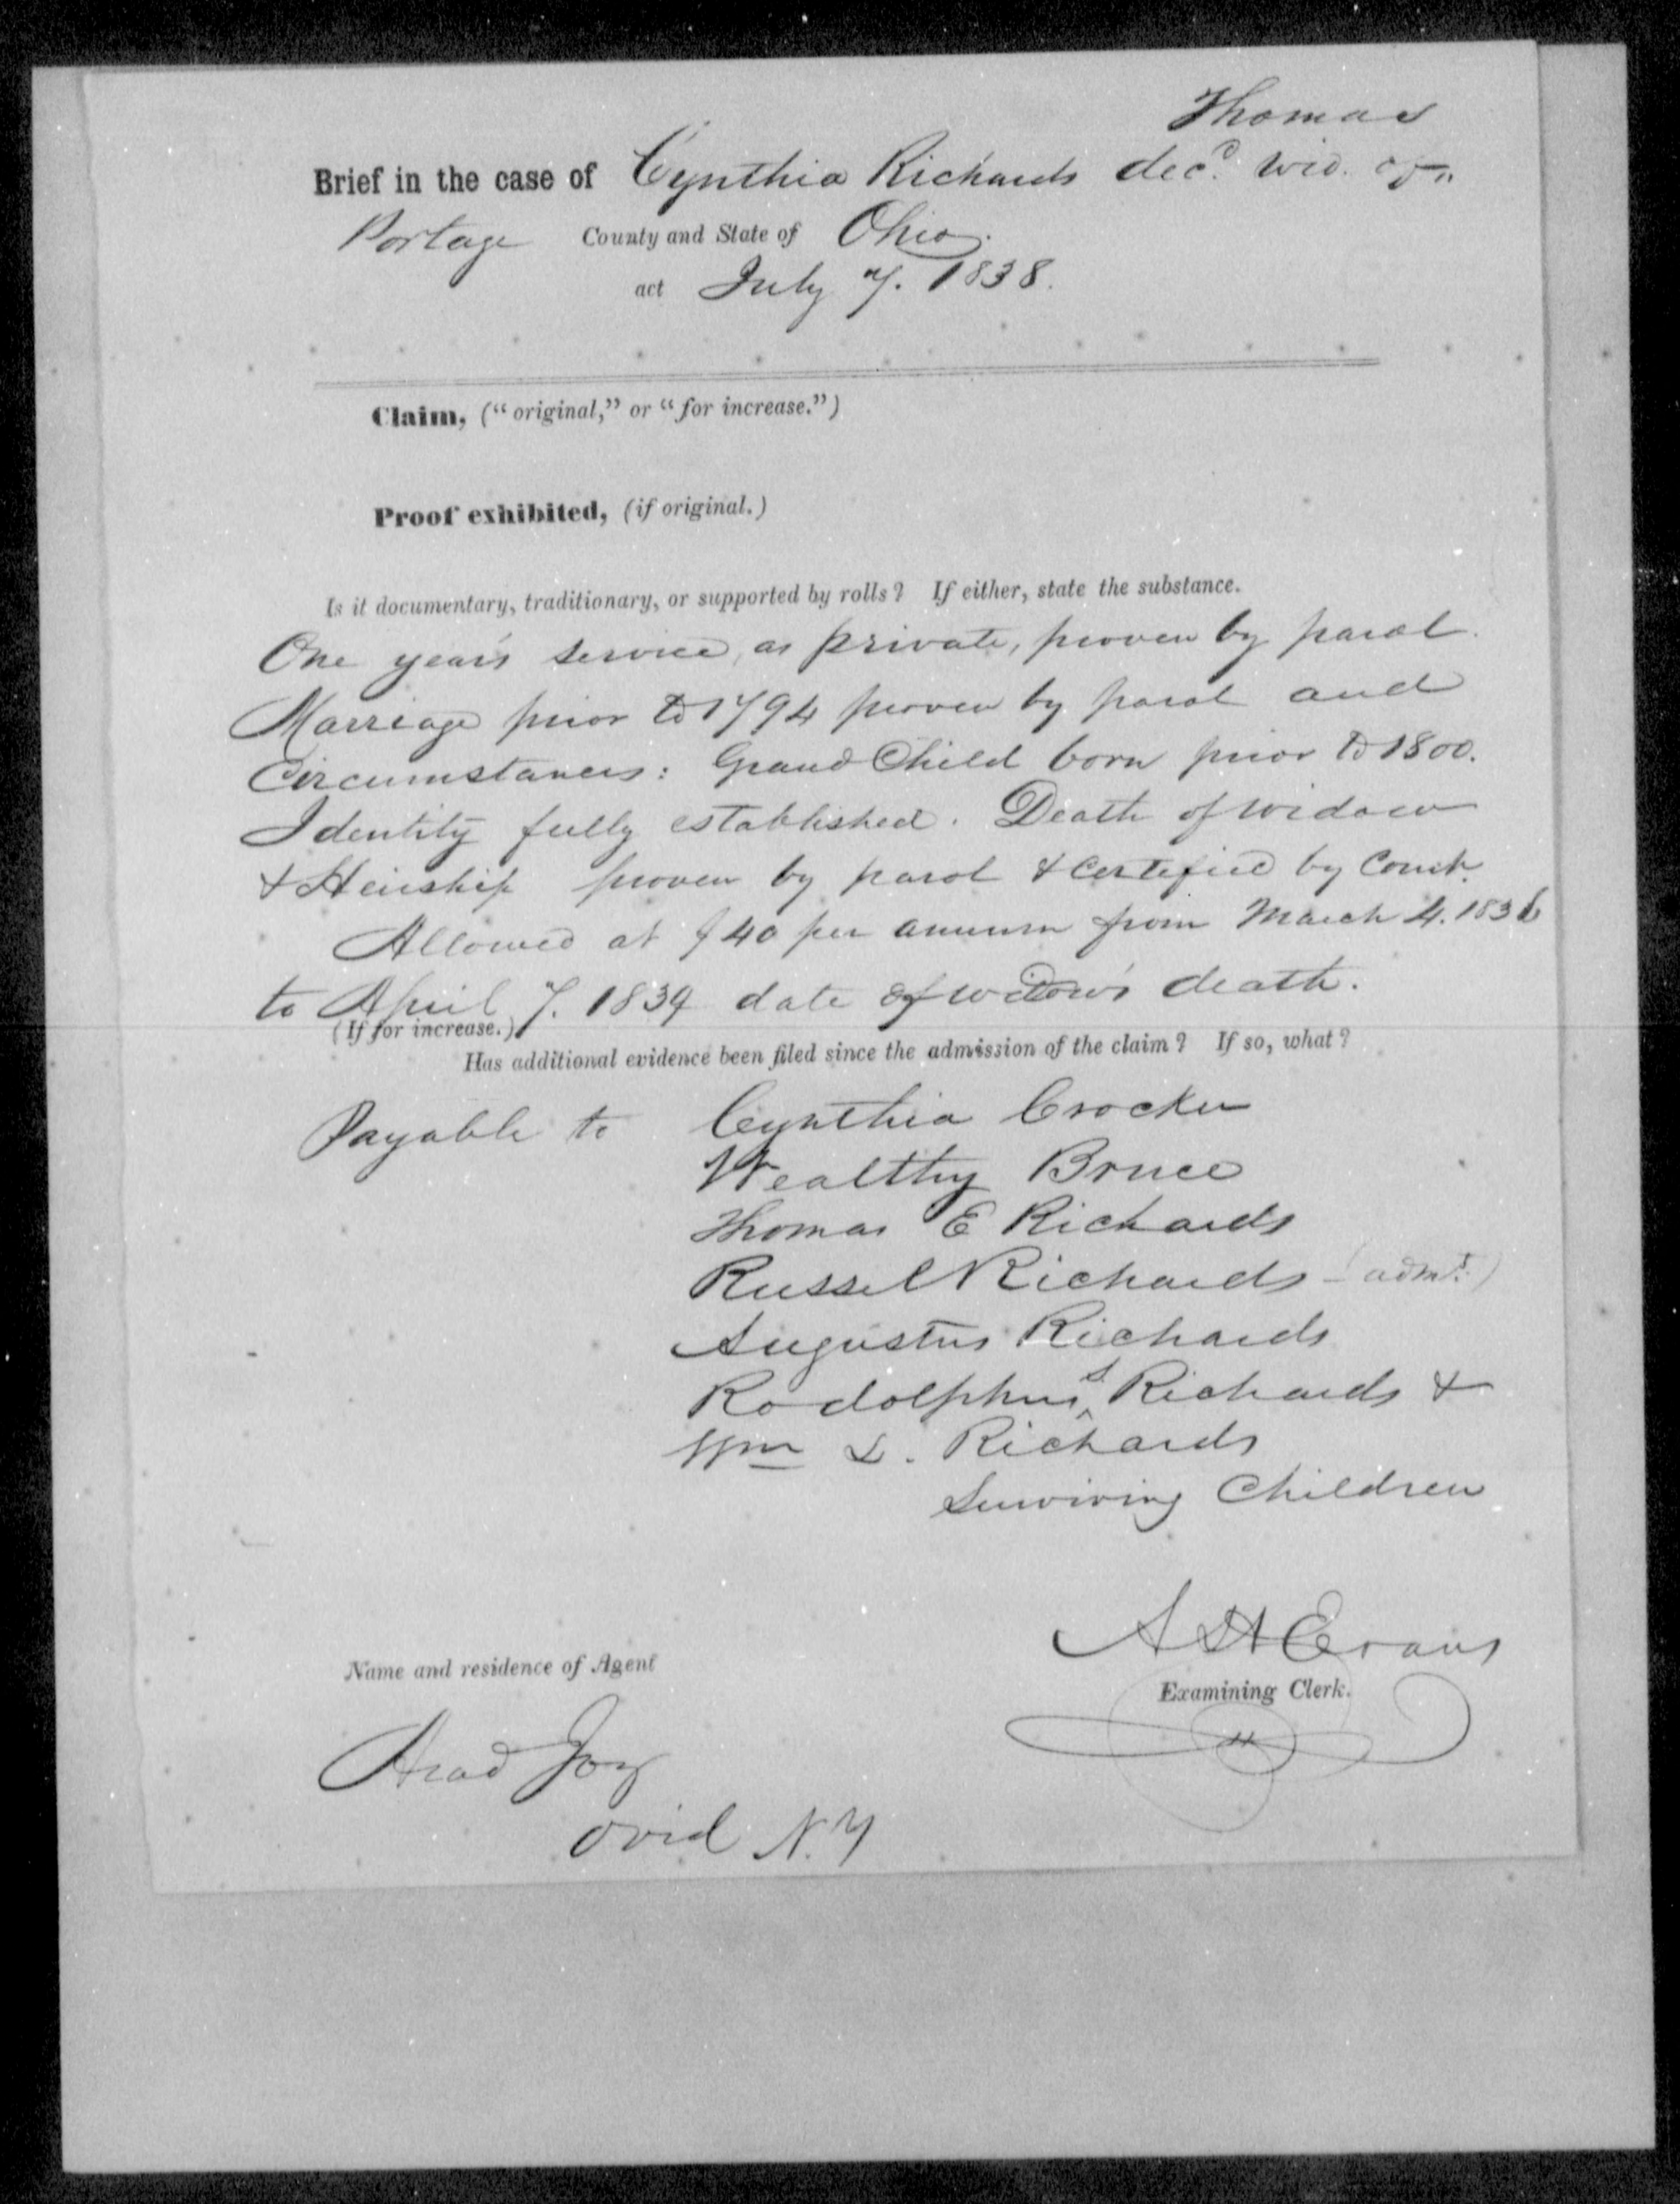Brief in the case of Cynthia Richards dec'd [DECEASED] wid. [WIDOW] of Thomas Portage County and State of Ohio
act July 7. 1838.

Claim, ("original," or "for increase.")
Proof exhibited, (if original.)
Is it documentary, traditionary, or supported by rolls? If either, state the substance. 
One year's service, as private, proven by parol [evidence that is spoken or not in any document] 
Marriage prior to 1794 proven by parol and
Circumstances: Grand Child born prior to 1800.
Identity fully established. Death of widow
& Heirship proven by parol & certified by Court
Allowed at $40 per annum from March 4, 1836
to April 7 1839 date of widow's death. (If for increase.) Has additional evidence been filed since the admission of this claim? If so, what? 
Payable to Cynthia Crocker Wealthy Bruce Thomas E Richards Russell Richards (admt.) [ADMINISTRATOR] Augustus Richards Rodolphus Richards & Wm [WILLIAM] L. Richards Surviving children
A H Evans Examining Clerk.

Name and residence of Agent
Arad Joy
Ovid N.Y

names: Thomas [BLANK]; Rodolphus S Richards; Russel Richards; Cynthia Richards; Cynthia Crocker; Thomas E Richards; A H Evans; Augustus Richards; Wealthy Bruce; Wm L Richards; Arad Joy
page: 23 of 109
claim: widow's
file: W. 5709, for Thomas Richards, New Hampshire